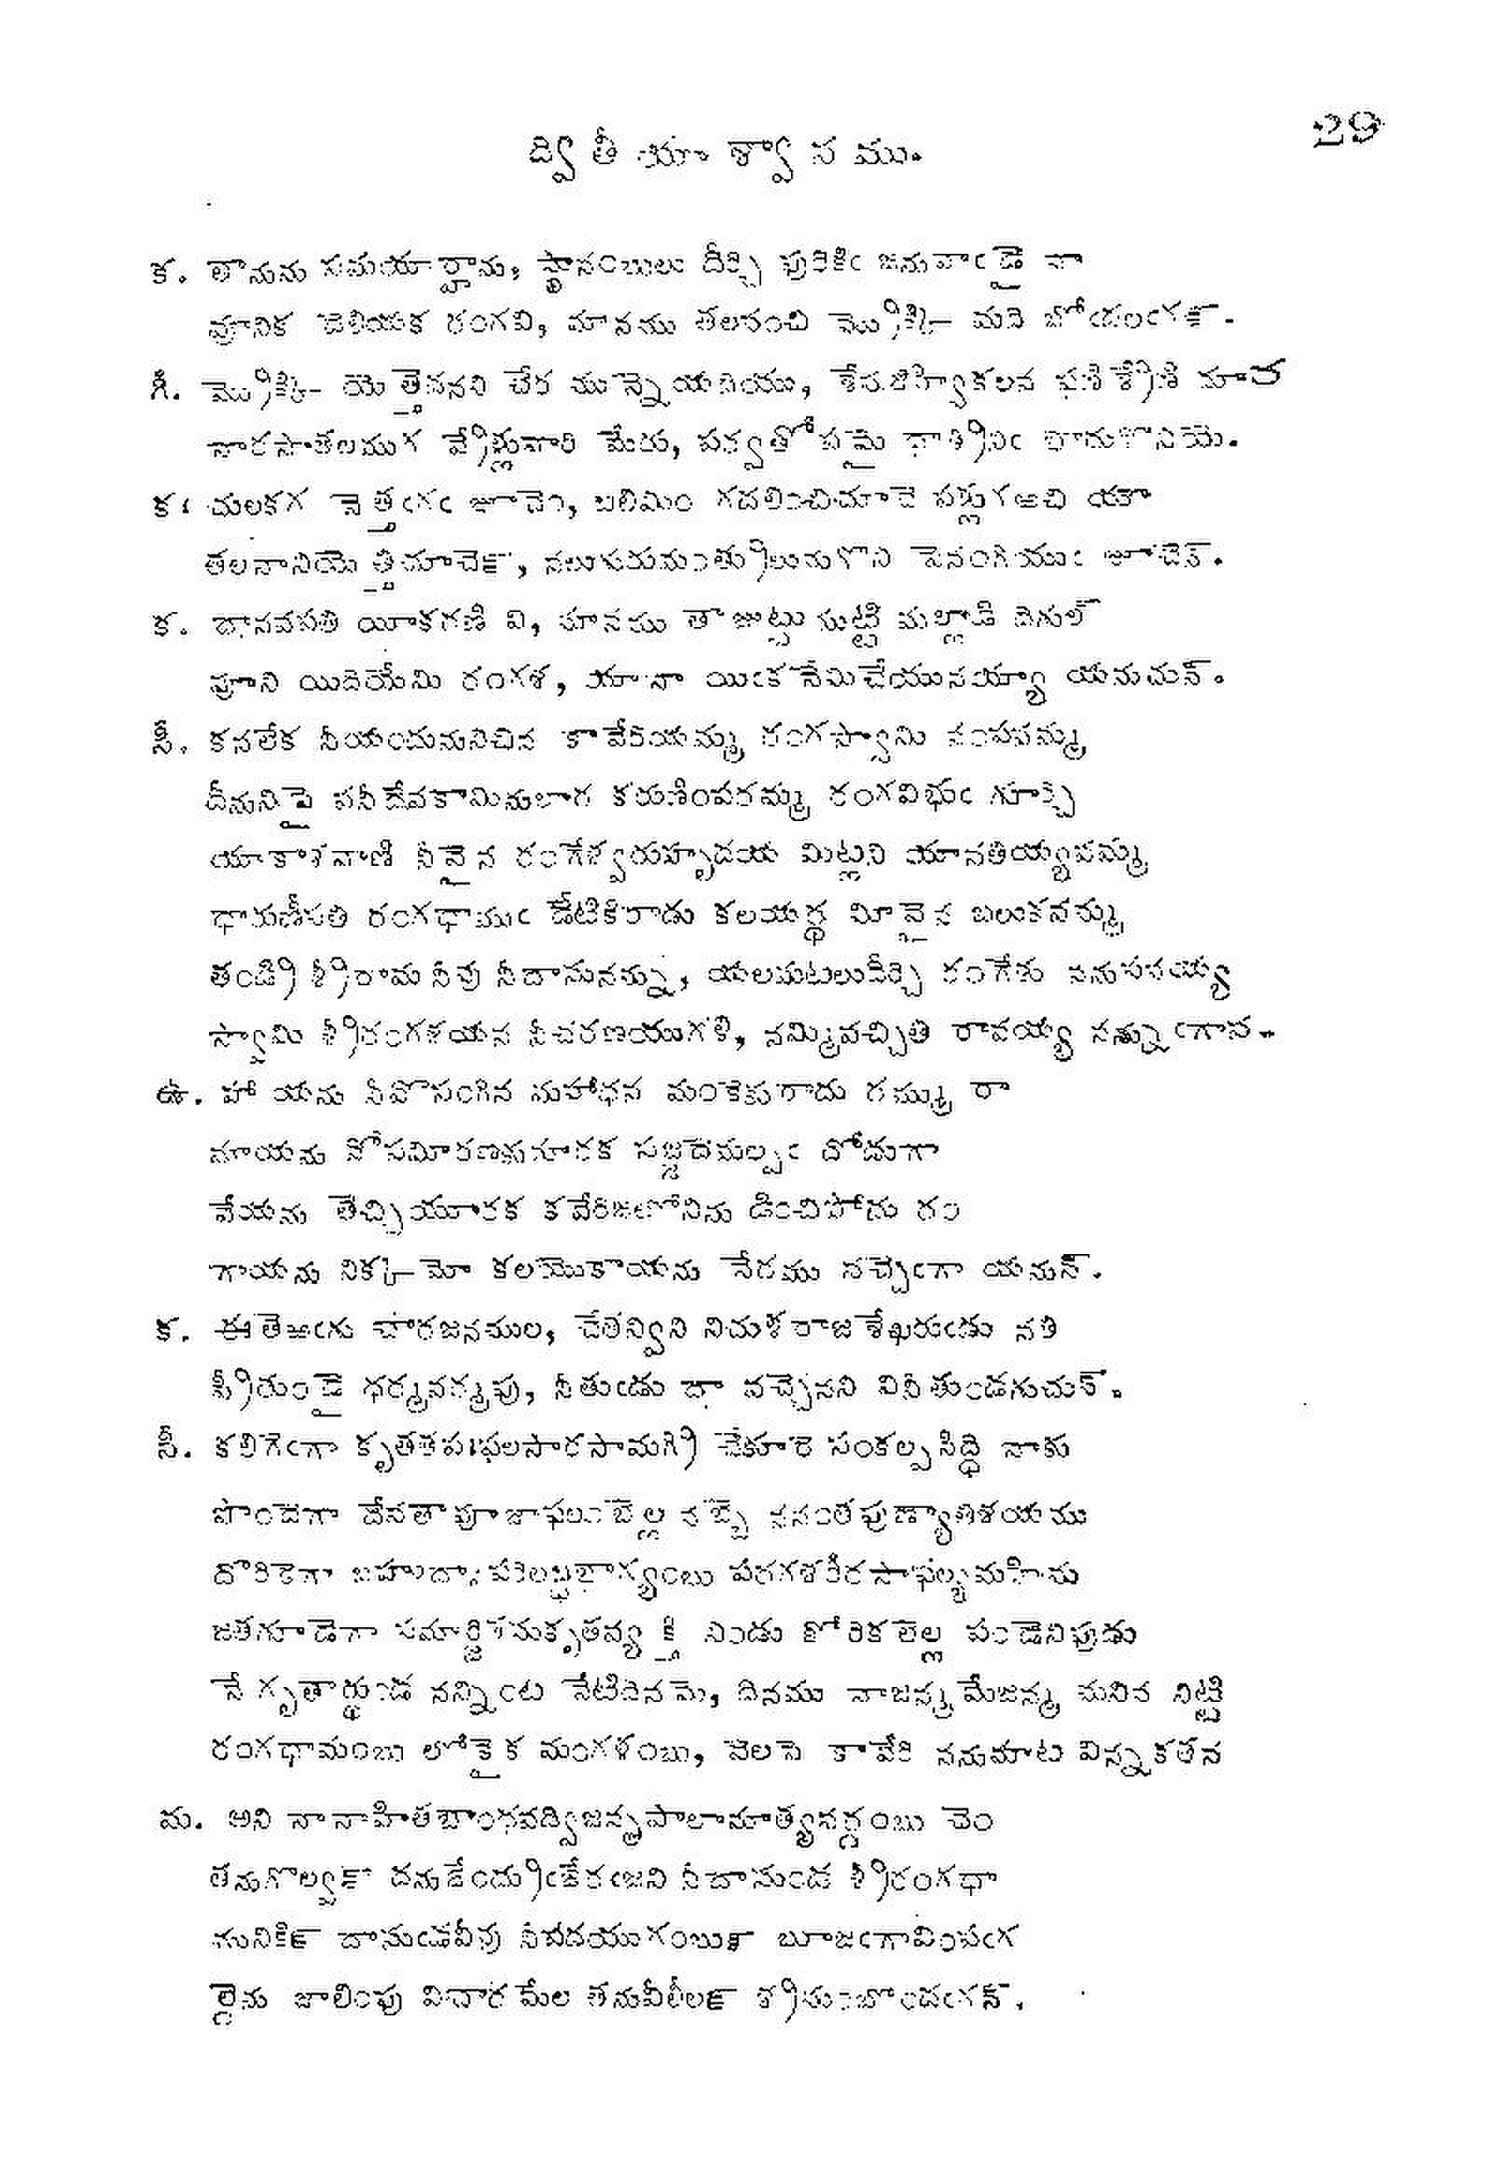క. తానును సమయార్హాను, ష్ఠానంబులు దీర్చి పురికిఁ జనువాఁడై నా
 పూనిక దెలియక రంగవి, మానము తలవంచి మ్రొక్కి మది బొఁదలఁగన్.
గీ. మ్రొక్కి యెత్తెననని చేర మున్నెయదియు, శేషజిహ్వికలన ఫణిశ్రేణి దూర
 నారసాతలముగ వ్రేళ్లువారి మేరు, పర్వతోపమై ధాత్రినిఁ బారుకొనియె.
క. చులకన నెత్తఁగఁ జూచెం, బలిమిం గదలించిచూచెపై పళ్లుగఱచి యౌ
 తలనానియెత్తి చూచెన్, నలుగురుమంత్రులును గొని పెనంగియుఁ జూచెన్.
క. దానవపతి యీకరణి వి, మానము తాజుట్టుముట్టి మల్లాడి దిగుల్
 పూని యిదియేమి రంగశ, యా నా యిఁక నేమి చేయునయ్యా యనుచున్.
సీ. కనలేక నీయందునునిచిన కావేరియమ్మ రంగస్వామి నంపవమ్మ
 దీనునిపై పనీదేవకామినులార కరుణింపరమ్మ రంగవిభుఁ గూర్చి
 యాకాశవాణి నీవైన రంగేశ్వరుహృదయ మిట్లని యానతియ్యవమ్మ
 ధారుణీపతి రంగధాముఁ డేటికిరాడు కలయర్థ మీవైన బలుకవమ్మ
 తండ్రి శ్రీరామ నీవు నీదాసునన్ను, యలమటలు దీర్చి రంగేశు ననుపవయ్య
 స్వామి శ్రీరంగశయన నీచరణయుగళి, నమ్మి వచ్చితి రావయ్య నన్నుఁ గాన.
ఉ. హాయను నీవొసంగిన మహాధన మంకెకు రాదు రమ్ము రా
 మాయను నోసమీరణకునూరక సజ్జదెమల్పఁ దోడుగా
 వేయను తెచ్చి యూరక కవేరీజలో నిను డించి పోదు రం
 గాయను నిక్కమో కలయొ కాయను నేరము నచ్చెఁగా యనున్.
క. ఈ తెఱఁగు చారజనముల, చేతన్విని నిచుళరాజశేఖరులకు నతి
 ప్రీతుండై ధర్మవర్మపు, నీతుఁడు దా వచ్చెనని వినీతుండగుచున్.
సీ. కలిగెఁగా కృతతపఃఫలసారసామగ్రి చేకూరె సంకల్పసిద్ధి నాకు
 పొందెగా దేవతా జాఫలుంబెల్ల నబ్బె ననంతపుణ్యాతిశయము
 దొరికెగా బహుదానపరిలబ్ధభాగ్యంబు పరగశరీరసాఫల్యమహిమ
 జతగూడెగా సమార్జితసుకృతవ్యక్తి నిండు కోరికలెల్ల పండెనిపుడు
 నే గృతార్థుండ నన్నింట నేటిదినమె, దినము నాజన్మ మేజన్మ మనిన నిట్టి
 రంగధామంబు లోకైకమంగళంబు, వెలసె కావేరి ననుమాట విన్నకతన.
మ. అని నానాహితబాంధవద్విజన్మపాలామాత్యవర్గంబు చెం
 తనుగొల్వన్ దనుజేంద్రుఁ జేరఁజని నీదాసుండ శ్రీరంగధా
 మునికిన్ దాసుఁడ వీవు నీపదయుగంబున్ బూజఁ గావింపఁగ
 ల్గెను జాలింపు విచార మేల తనువీలీలన్ శ్రమం బొందఁగన్.